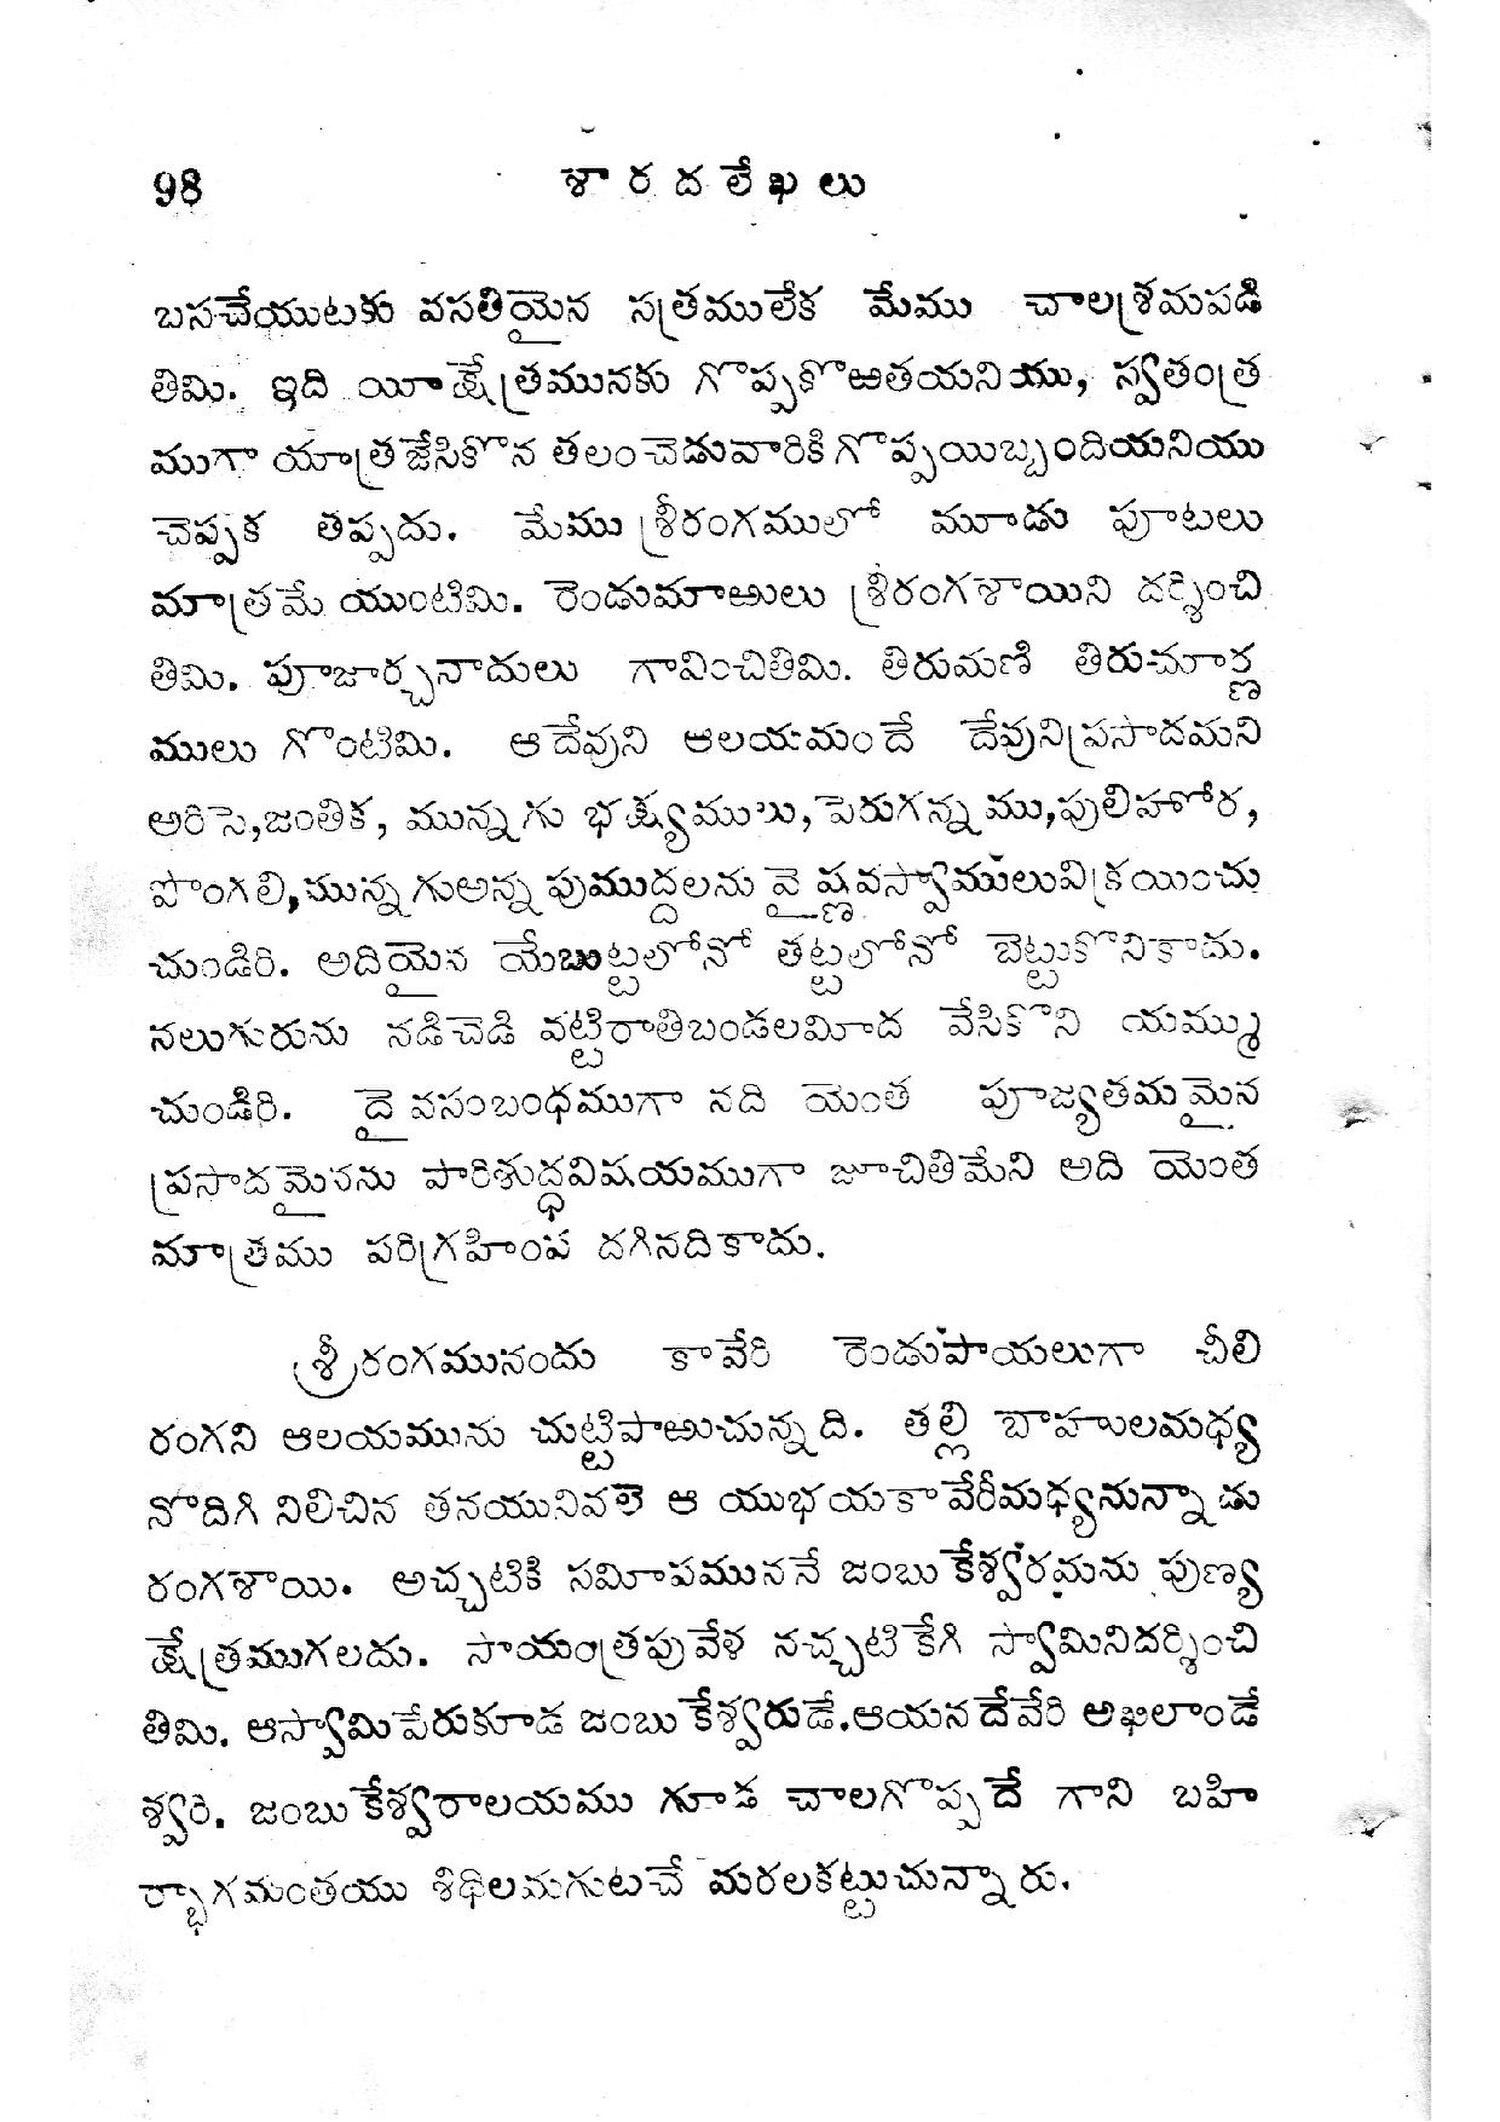బసచేయుటకు వసతియైన సత్రములేక మేము చాలశ్రమపడితిమి. ఇది యీక్షేత్రమునకు గొప్పకొఱతయనియు, స్వతంత్రముగా యాత్రజేసికొన తలంచెడువారికి గొప్పయిబ్బందియనియు చెప్పక తప్పదు. మేము శ్రీరంగములో మూడు పూటలు మాత్రమే యుంటిమి. రెండుమాఱులు శ్రీరంగశాయిని దర్శించితిమి. పూజార్చనాదులు గావించితిమి. తిరుమణి తిరుచూర్ణములు గొంటిమి. ఆదేవుని ఆలయమందే దేవుని ప్రసాదమని అరిసె, జంతిక, మున్నగు భక్ష్యములు, పెరుగన్నము, పులిహోర, పొంగలి, మున్నగు అన్నపుముద్దలను వైష్ణవస్వాములు విక్రయించు చుండిరి. అదియైన యేబుట్టలోనో తట్టలోనో బెట్టుకొనికాదు.
నలుగురును నడిచెడి వట్టిరాతిబండలమీద వేసికొని యమ్ముచుండిరి. దైవసంబంధముగా నది యెంత పూజ్యతమమైన ప్రసాదమైనను పారిశుద్ధవిషయముగా జూచితిమేని అది యొత మాత్రము పరిగ్రహింప దగినదికాదు.

శ్రీరంగమునందు కావేరి రెండుపాయలుగా చీలి రంగని ఆలయమును చుట్టిపాఱుచున్నది. తల్లి బాహులమధ్య నొదిగి నిలిచిన తనయునివలె ఆ యుభయకావేరీమధ్యనున్నాడు రంగశాయి. అచ్చటికి సమీపముననే జంబుకేశ్వరమను పుణ్యక్షేత్రముగలదు. సాయంత్రపువేళ నచ్చటికేగి స్వామినిదర్శించితిమి. ఆస్వామిపేరుకూడ జంబుకేశ్వరుడే. ఆయనదేవేరి అఖిలాండేశ్వరి. జంబుకేశ్వరాలయము గూడ చాలగొప్పదే గాని బహిర్భాగమంతయు శిథిలమగుటచే మరలకట్టుచున్నారు.